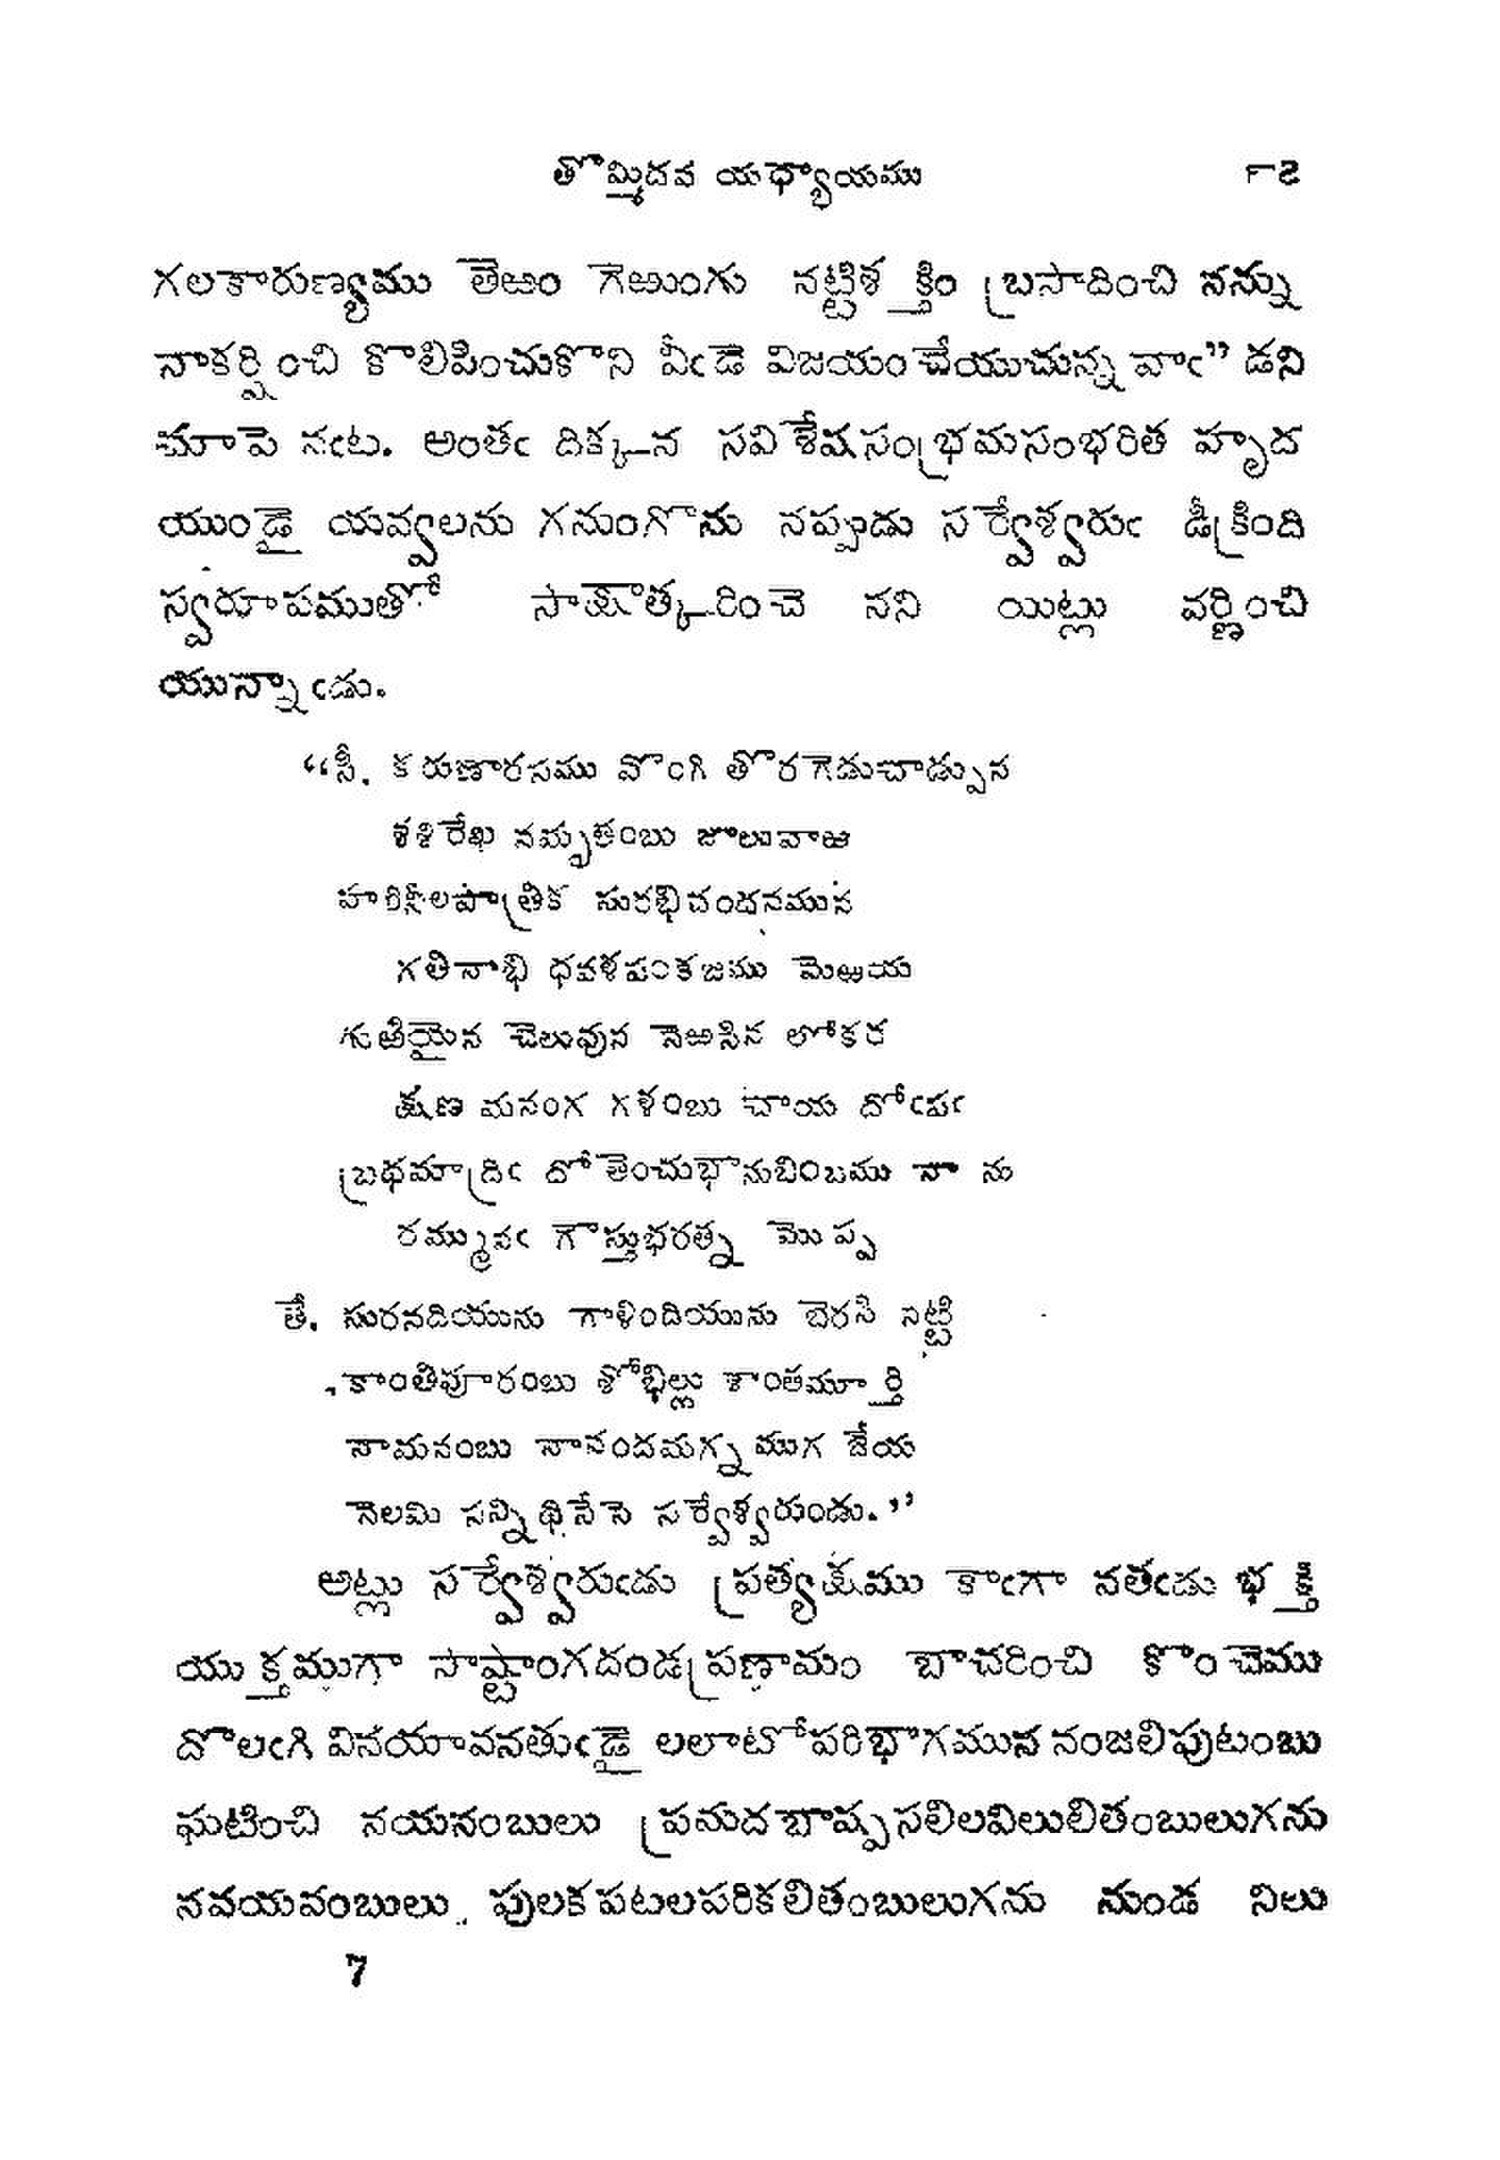గలకారుణ్యము తెఱం గెఱుంగు నట్టిశ క్తిం బ్రసాదించి నన్ను నాకర్షించి కొలిపించుకొని వీఁడె విజయంచేయుచున్నవాఁ”డని చూపె నఁట. అంతఁ దిక్కన సవిశేషసంభ్రమసంభరిత హృదయుండై యవ్వలను గనుంగొను నప్పుడు సర్వేశ్వరుఁ డీక్రింది స్వరూపముతో సాక్షాత్కరించె నని యిట్లు వర్ణించి యున్నాఁడు. 

“సీ, కరుణారసము వొంగి తొరగెడుచాడ్పు స
 శశిరేఖ నమృతంబు జూలువాఱ 
 హరినీలపాత్రిక సురభిచందనమున
 గతినాభి ధవళపంకజము మెఱయ 
 గుఱియైన చెలువున నెఱసిన లోకర 
 క్షణ మనంగ గళంబు చాయ దోఁపఁ 
 బ్రథమాద్రిఁ దోతెంచుభానుబింబము నా ను
 రమ్మునఁ గౌస్తుభరత్న మొప్ప 

 తే. సురనదియును గాళిందియును బెరసి నట్టి 
 కాంతిపూరంబు శోభిల్లు శాంతమూర్తి 
 నామనంబు నానందమగ్నముగ జేయ 
 నెలమి సన్నిథిసేసె సర్వేశ్వరుండు." 
అట్లు సర్వేశ్వరుఁడు ప్రత్యక్షము కాఁగా నతఁడు భక్తియుక్తముగా సాష్టాంగదండప్రణామం బాచరించి కొంచెము దొలఁగి వినయావనతుఁడై లలాటోపరిభాగమున నంజలిపుటంబు ఘటించి నయనంబులు ప్రమదబాష్పసలిలవిలులితంబులుగను నవయవంబులు, పులకపటలపరి కలితంబులుగను నుండ నిలు